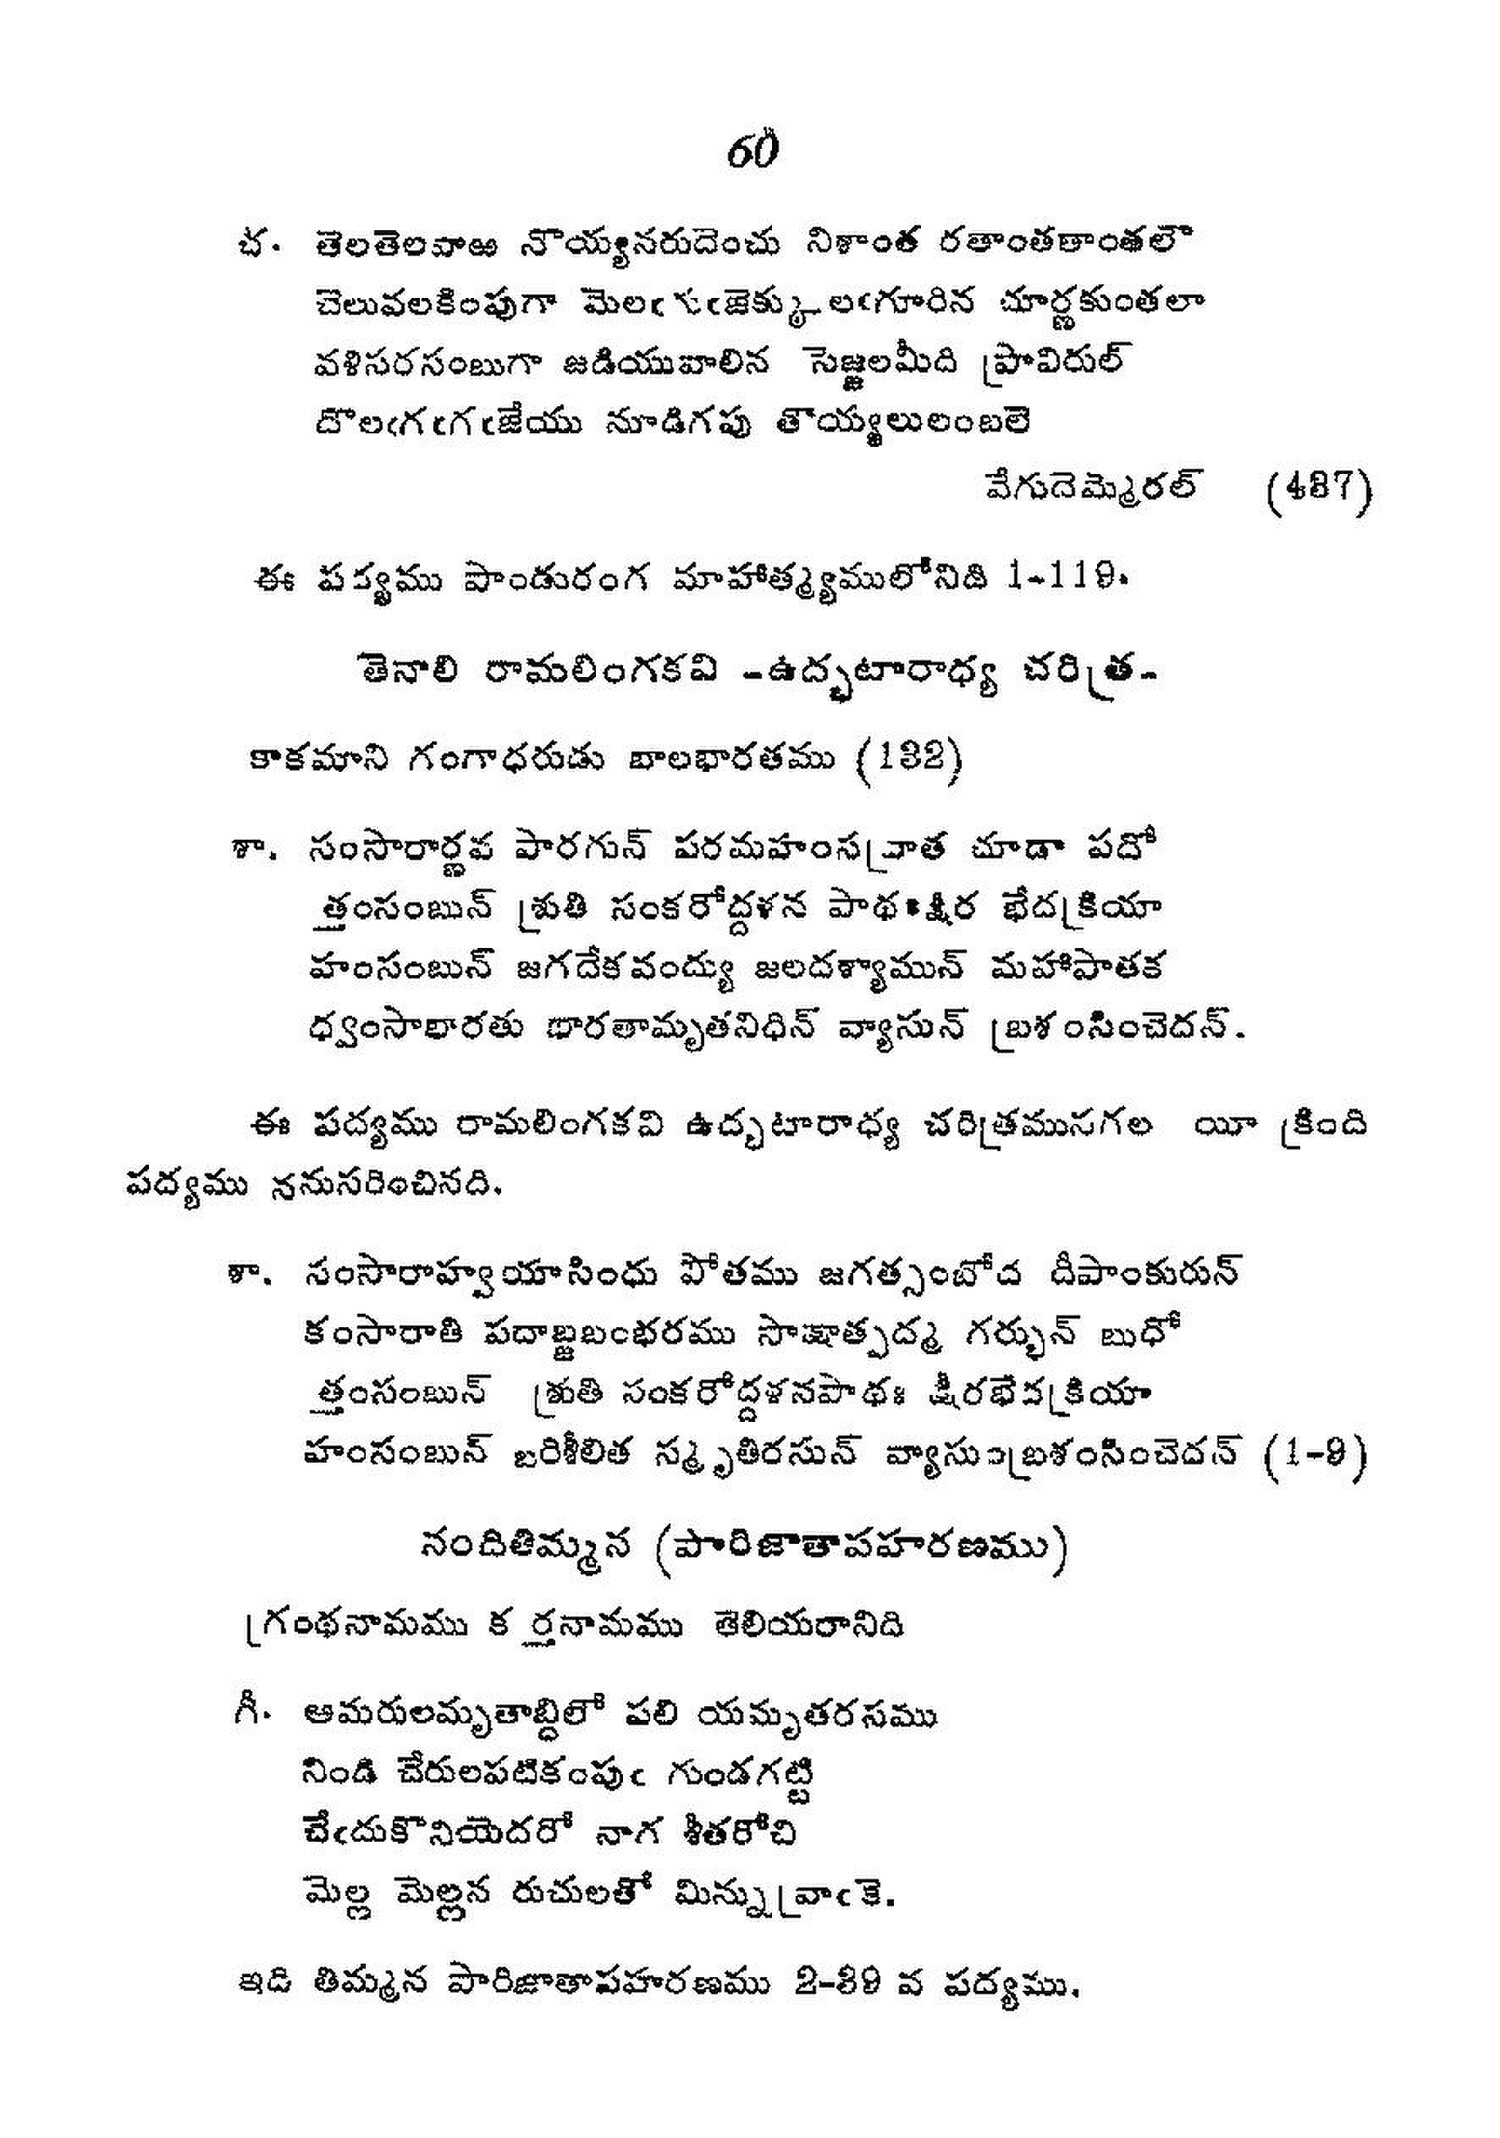చ. తెలతెలవాఱు నొయ్యనరుదెంచు నిశాంత రతాంతతాంతలొ
చెలువలకింపుగా మెలఁగుఁజెక్కులఁగూరిన చూర్ణకుంతలా
వశిసర సంబుగా జడియు వాలిన సెజ్జలమీది ప్రావిరుల్
దొలఁగఁగఁజేయు నూడిగపు తొయ్యలులంబలె వేగుదెమ్మెరల్ (487)

ఈ పద్యము పాండురంగ మాహాత్మ్యములోనిది 1-118.

కాకమాని గంగాధరుడు బాలభారతము (182)

శా. సంసారార్ణవ పారగున్ పరమహంసవ్రాత చూడా పదో
వంసంబున్ శ్రుతి సంక రోడ్డళన పాథ 'క్షీర భేద క్రియా
హంసంబున్ జగదేకవంద్యు జలదశ్యామున్ మహాపాతక
ధ్వంసాబారతు ధారతామృతనిధిన్ వ్యాసున్ బ్రశంసించెదన్.

ఈ పద్యము రామలింగకవి ఉద్భటారాధ్య చరిత్రముసగల యీ క్రింది
పద్యము ననుసరించినది.

శా, సంసారాహ్వయాసింధు పోతము జగత్సంబోచ దీపాంకురున్
కంసారాతి పదాబ్దబంభరము సాక్షాత్పద్మ గర్భున్ బుధో
వంసంబున్ శ్రుతి సంక రోడ్డళనపాథః క్షీరథీవక్రియా
హంసంబున్ బరిశీలిత స్మృతిరసున్ వ్యాసుంబ్రశంసించెదన్ (1-9)

గ్రంథనామము కర్తనామము తెలియరానిది

గీ. అమరులమృతాబ్ధిలో పలి యమృతరసము
నిండి చేరులపటికంపుఁ గుండగట్టి
చేదుకొనియెదరో నాగ శీతరోచి
మెల్ల మెల్లన రుచులతో మిన్ను వ్రాఁకె.

ఇది తిమ్మన పారిజాతాపహరణము 2-88 వ పద్యము,